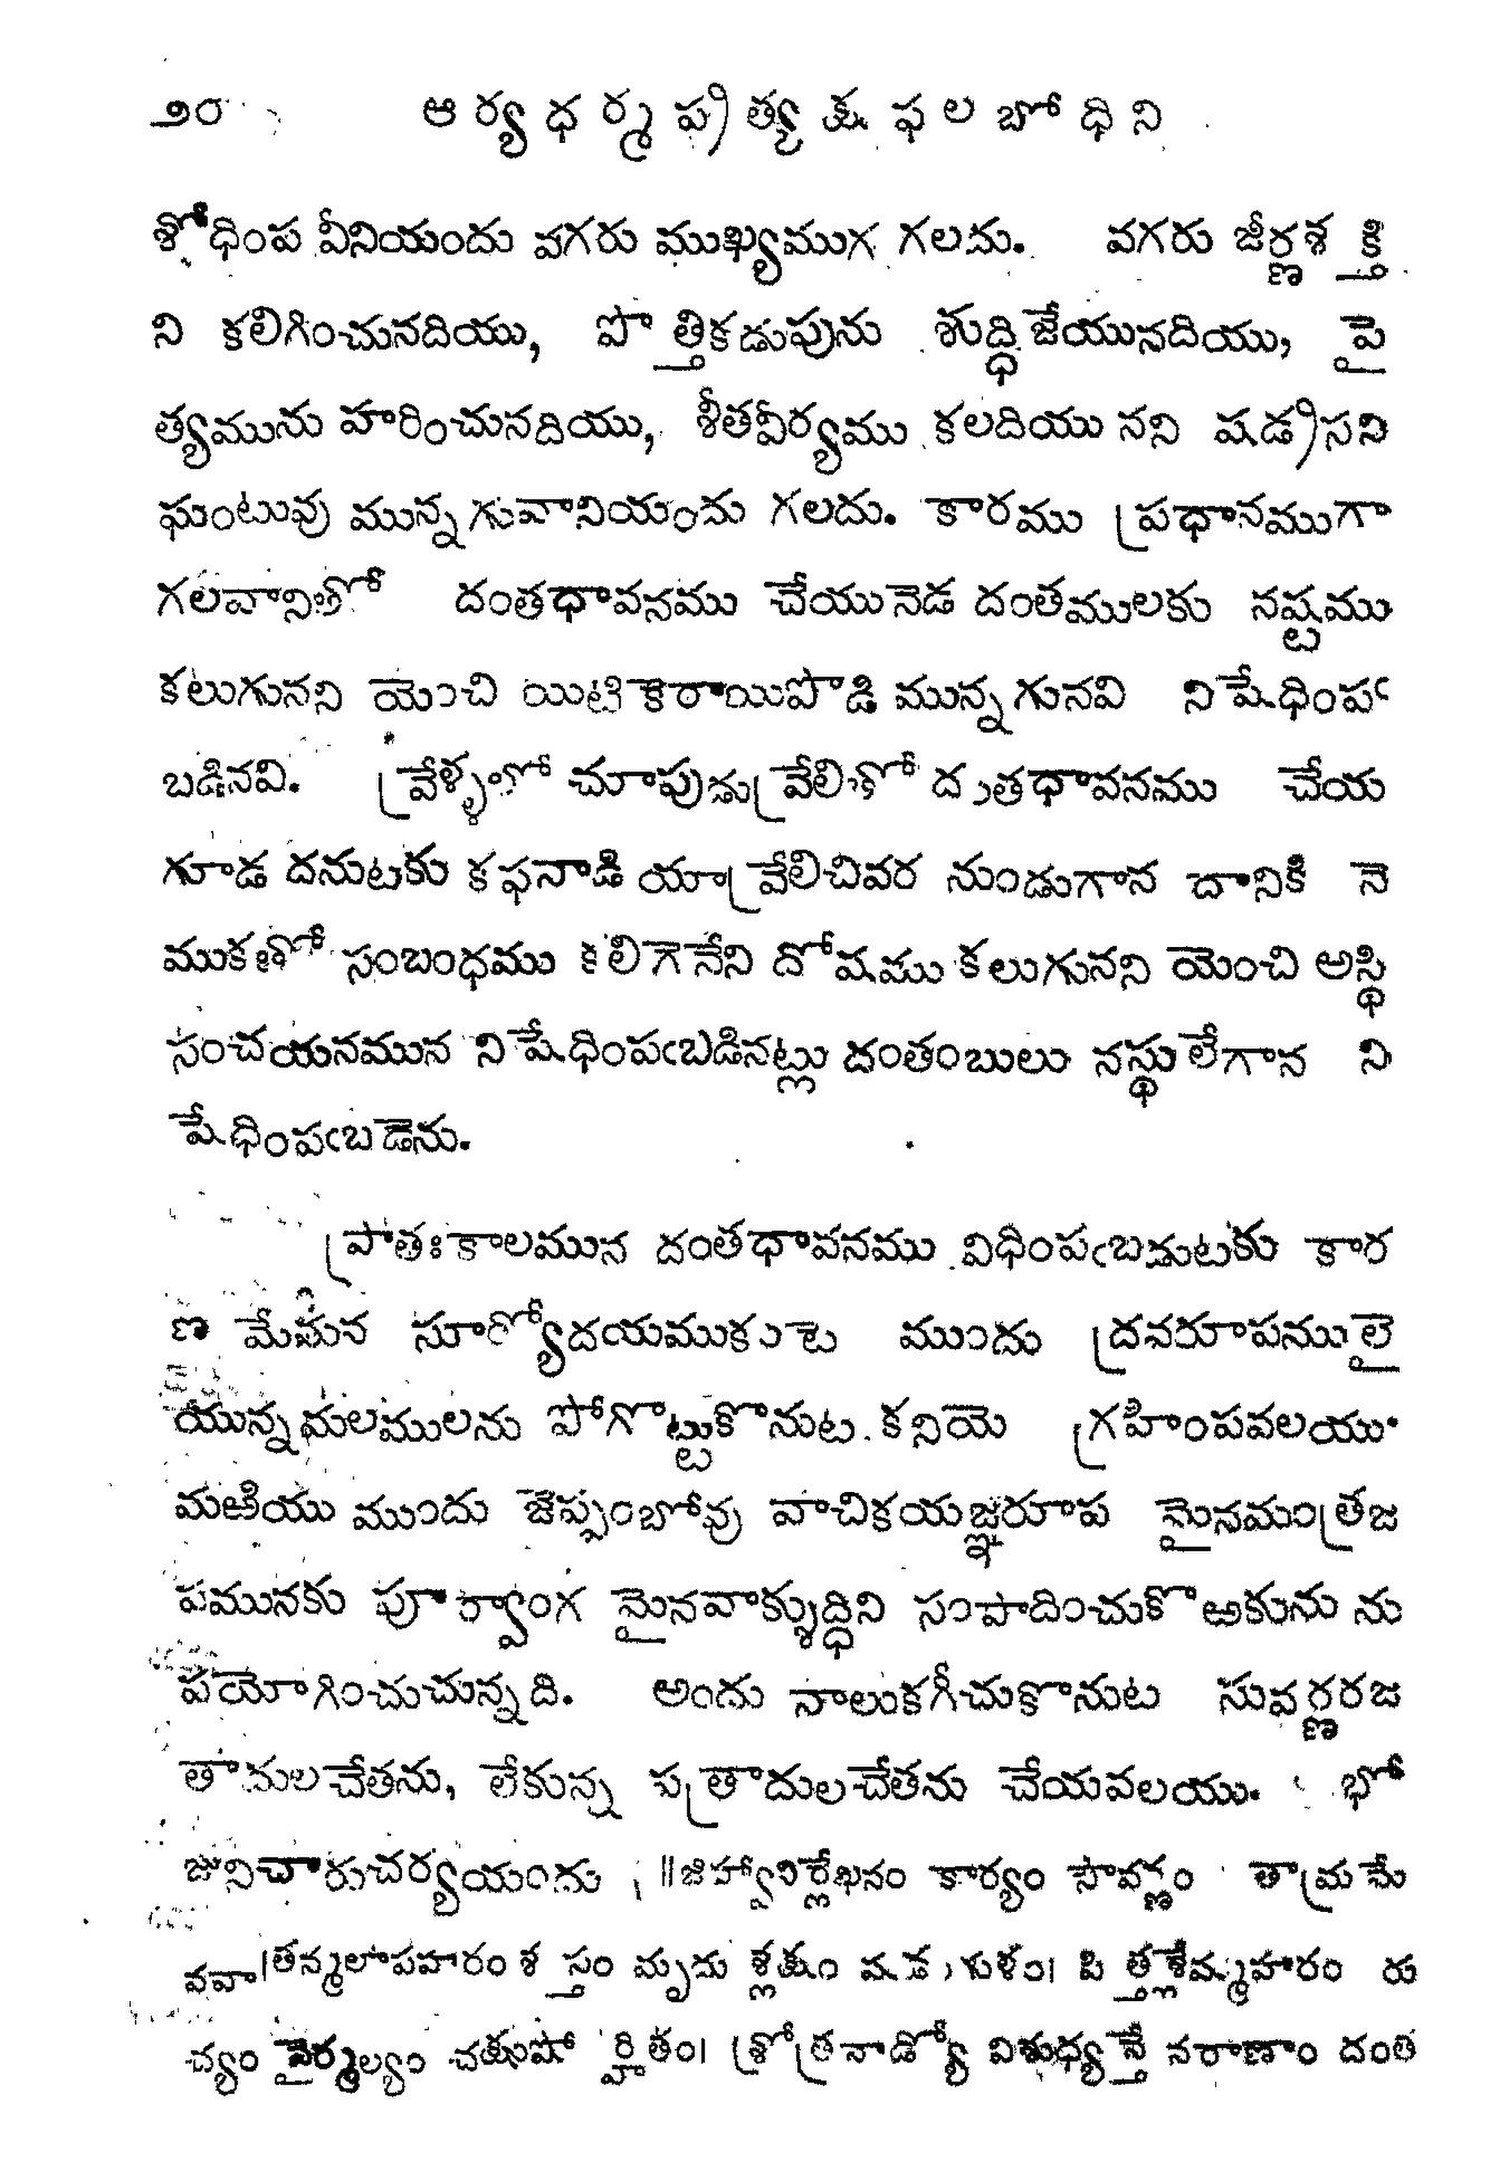శోధింప వీనియందు వగరు ముఖ్యముగ గలదు. వగరు జీర్ణశక్తిని కలిగించునదియు, పొత్తికడుపును శుద్ధిజేయునదియు, పైత్యమును హరించునదియు, శీతవీర్యము కలదియు నని షడ్రసనిఘంటువు మున్నగువానియందు గలదు. కారము ప్రధానముగా గలవానితో దంతధావనము చేయునెడ దంతములకు నష్టము కలుగునని యెంచి యిటికెరాయిపొడి మున్నగునవి నిషేధింపఁబడినవి. వ్రేళ్ళలో చూపుడువ్రేలితో దంతధావనము చేయగూడ దనుటకు కఫనాడి యావ్రేలిచివర నుండుగాన దానికి నెముకతో సంబంధము కలిగెనేని దోషము కలుగునని యెంచి అస్థిసంచయనమున నిషేధింపఁబడినట్లు దంతంబులు నస్థులేగాన నిషేధింపఁబడెను.

ప్రాతఃకాలమున దంతధావనము విధింపఁబడుటకు కారణ మేమన సూర్యోదయముకంటె ముందు ద్రవరూపములై యున్నమలములను పోగొట్టుకొనుట కనియె గ్రహింపవలయు· మఱియు ముందు జెప్పంబోవు వాచికయజ్ఞరూప మైనమంత్రజపమునకు పూర్వాంగ మైనవాక్శుద్ధిని సంపాదించుకొఱకును నుపయోగించుచున్నది. అందు నాలుకగీచుకొనుట సువర్ణరజతాదులచేతను, లేకున్న పత్రాదులచేతను చేయవలయు. భోజునిచారుచర్యయందు ॥జిహ్వావిర్లేఖనం కార్యం సౌవర్ణం తామ్రమేవవా|తన్మలాపహరం శస్తం మృదు శ్లక్షం షడంగుళం | పిత్తశ్లేమ్మహారం రుచ్యం నైర్మల్యం చక్షుపో ర్హితం। శ్రోత్రనాడ్యో విశుధ్యన్తే నరాణాం దంత